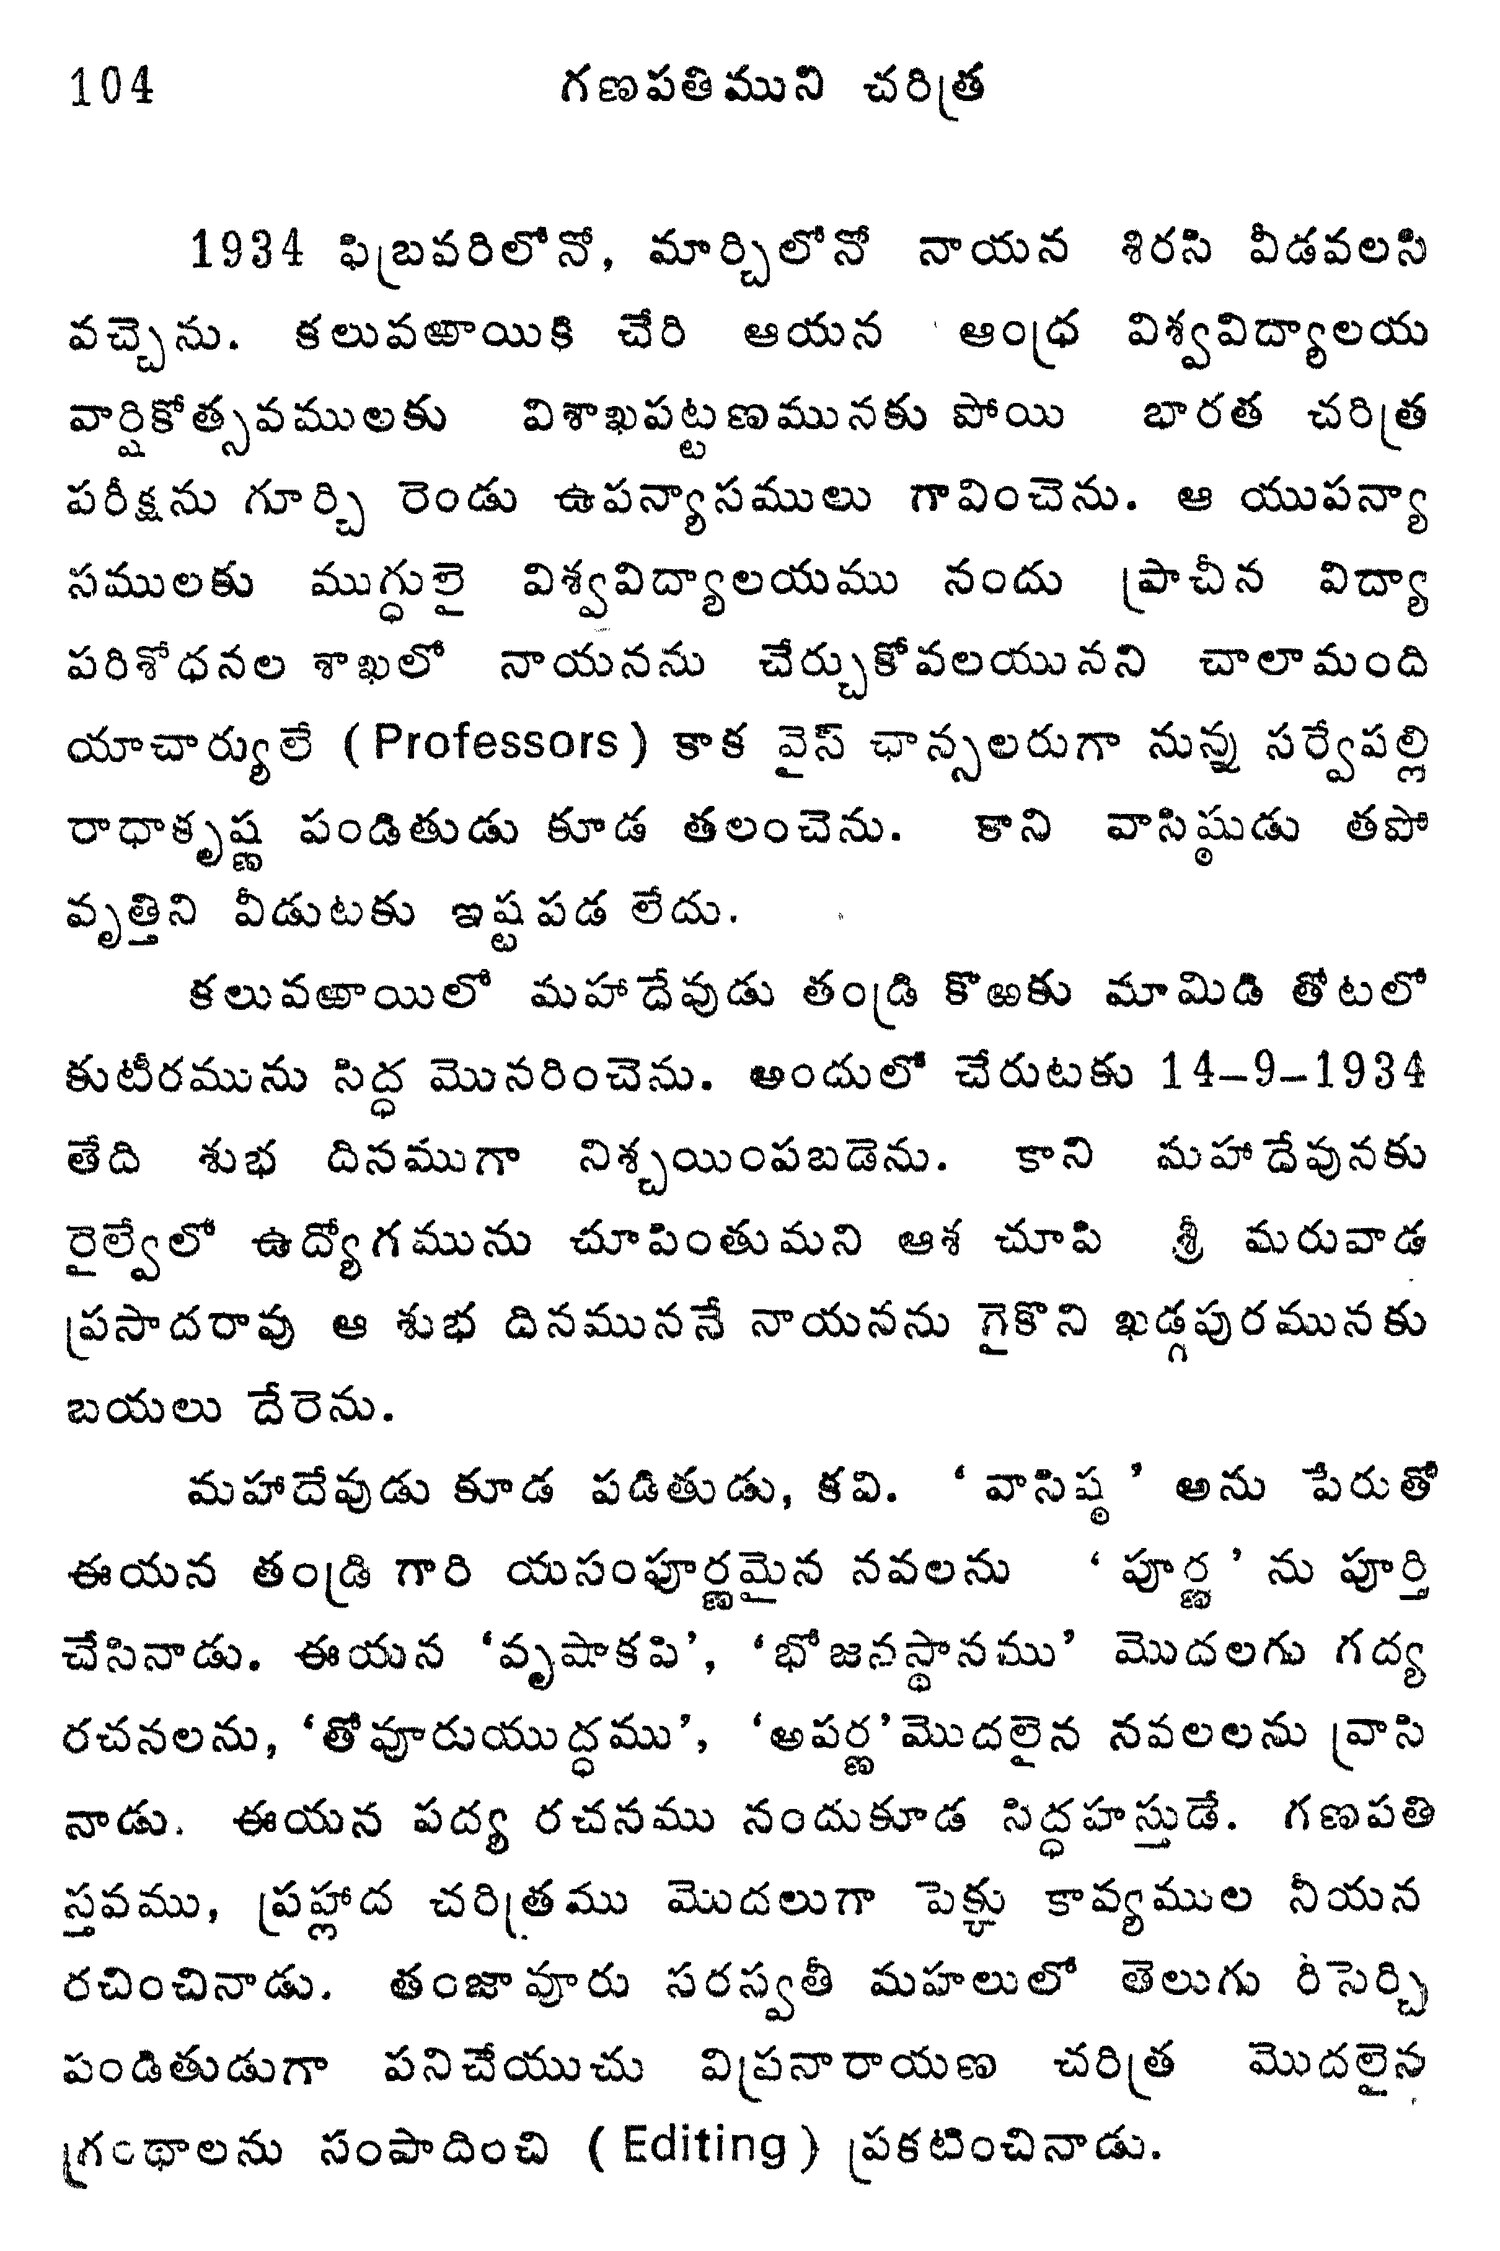1934 ఫిబ్రవరిలోనో, మార్చిలోనో నాయన శిరసి వీడవలసి వచ్చెను. కలువఱాయికి చేరి ఆయన ఆంధ్ర విశ్వవిద్యాలయ వార్షికోత్సవములకు విశాఖపట్టణమునకు పోయి భారత చరిత్ర పరీక్షను గూర్చి రెండు ఉపన్యాసములు గావించెను. ఆ యుపన్యాసములకు ముగ్దులై విశ్వవిద్యాలయము నందు ప్రాచీన విద్యా పరిశోధనల శాఖలో నాయనను చేర్చుకోవలయునని చాలామంది యాచార్యులే (Professors) కాక వైస్ చాన్సలరుగా నున్న సర్వేపల్లి రాధాకృష్ణ పండితుడు కూడ తలంచెను. కాని వాసిష్ఠుడు తపోవృత్తిని వీడుటకు ఇష్ట పడ లేదు.

కలువఱాయిలో మహాదేవుడు తండ్రి కొఱకు మామిడి తోటలో కుటీరమును సిద్ధ మొనరించెను. అందులో చేరుటకు 14-9-1934 తేది శుభ దినముగా నిశ్చయింపబడెను. కాని మహాదేవునకు రైల్వేలో ఉద్యోగమును చూపింతుమని ఆశ చూపి శ్రీ మరువాడ ప్రసాదరావు ఆ శుభ దినముననే నాయనను గైకొని ఖడ్గపురమునకు బయలు దేరెను.

మహాదేవుడు కూడ పండితుడు, కవి. 'వాసిష్ఠ' అను పేరుతో ఈయన తండ్రిగారి యసంపూర్ణమైన నవలను 'పూర్ణ' ను పూర్తిచేసినాడు. ఈయాన 'వృషాకపి', 'భోజనస్థానము' మొదలగు గద్య రచనలను, 'తోవూరుయుద్దము', 'అపర్ణ' మొదలైన నవలలను వ్రాసినాడు. ఈయన పద్య రచనము నందుకూడ సిద్దహస్తుడే. గణపతి స్తవము, ప్రహ్లాద చరిత్రము మొదలుగా పెక్కు కావ్యముల నీయన రచించినాడు. తంజావూరు సరస్వతీ మహలులో తెలుగు రీసెర్చి పండితుడుగా పనిచేయుచు విప్రనారాయణ చరిత్ర మొదలైన గ్రంథాలను సంపాదించి (Editing) ప్రకటించినాడు.